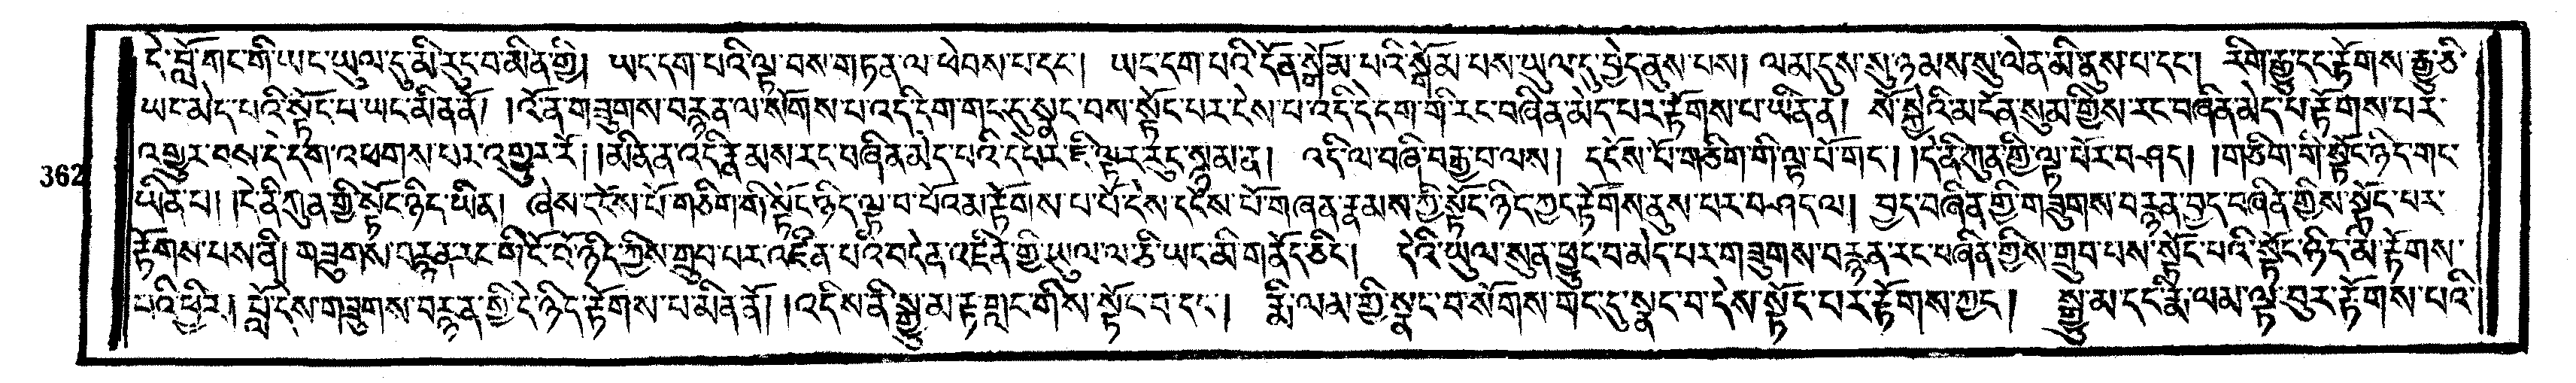དེ་བློ་གང་གི་ཡང་ཡུལ་དུ་མི་རུང་བ་མིན་གྱི། ཡང་དག་པའི་ལྟ་བས་གཏན་ལ་ཕེབས་པ་དང་། ཡང་དག་པའི་དོན་སྒོམ་པའི་སྒོམ་པས་ཡུལ་དུ་བྱེད་ནུས་པས། ལམ་དུས་སུ་ཉམས་སུ་ལེན་མི་ནུས་པ་དང་། རིག་རྒྱུ་དང་རྟོགས་རྒྱུ་ཅི་
ཡང་མེད་པའི་སྟོང་བ་ཡང་མིན་ནོ། །འོ་ན་གཟུགས་བརྙན་ལ་སོགས་པ་འདི་དག་གང་དུ་སྣང་བས་སྟོང་པར་ངེས་པ་འདི་དེ་དག་གི་རང་བཞིན་མེད་པར་རྟོགས་པ་ཡིན་ན། སོ་སྐྱེའི་མངོན་སུམ་གྱིས་རང་བཞིན་མེད་པ་རྟོགས་པར་
འགྱུར་བས་དེ་དག་འཕགས་པར་འགྱུར་རོ། །མིན་ན་འདི་རྣམས་རང་བཞིན་མེད་པའི་དཔེར་ཇི་ལྟར་རུང་སྙམ་ན། འདི་ལ་བཞི་བརྒྱ་བ་ལས། དངོས་པོ་གཅིག་གི་ལྟ་པོ་གང་། །དེ་ནི་ཀུན་གྱི་ལྟ་པོར་བཤད། །གཅིག་གི་སྟོང་ཉིད་གང་
ཡིན་པ། །དེ་ནི་ཀུན་གྱི་སྟོང་ཉིད་ཡིན། ཞེས་དངོས་པོ་གཅིག་གི་སྟོང་ཉིད་ལྟ་བ་པོའམ་རྟོགས་པ་པོ་དེས་དངོས་པོ་གཞན་རྣམས་ཀྱི་སྟོང་ཉིད་ཀྱང་རྟོགས་ནུས་པར་བཤད་ལ། བྱད་བཞིན་གྱི་གཟུགས་བརྙན་བྱད་བཞིན་གྱིས་སྟོང་བར་
རྟོགས་པས་ནི། གཟུགས་བརྙན་རང་གི་ངོ་བོ་ཉིད་ཀྱིས་གྲུབ་པར་འཛིན་པའི་བདེན་འཛིན་གྱི་ཡུལ་ལ་ཅི་ཡང་མི་གནོད་ཅིང་། དེའི་ཡུལ་སུན་ཕྱུང་བ་མེད་པར་གཟུགས་བརྙན་རང་བཞིན་གྱིས་གྲུབ་པས་སྟོང་བའི་སྟོང་ཉིད་མ་རྟོགས་
པའི་ཕྱིར། བློ་དེས་གཟུགས་བརྙན་གྱི་དེ་ཉིད་རྟོགས་པ་མིན་ནོ། །འདིས་ནི་སྒྱུ་མ་རྟ་གླང་གིས་སྟོང་བ་དང་། རྨི་ལམ་གྱི་སྣང་བ་སོགས་གང་དུ་སྣང་བ་དེས་སྟོང་བར་རྟོགས་ཀྱང་། སྒྱུ་མ་དང་རྨི་ལམ་ལྟ་བུར་རྟོགས་པའི་